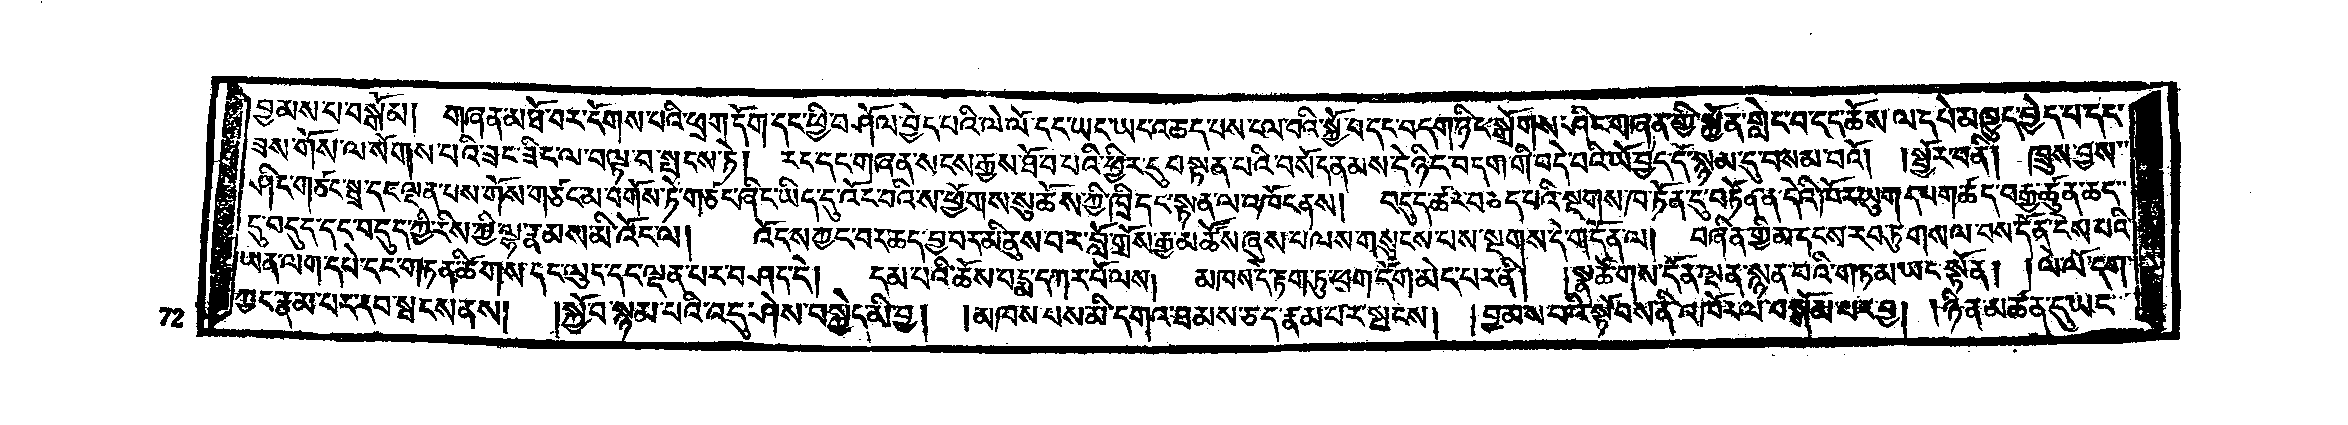བྱམས་པ་བསྒོམ། གཞན་མཐོ་བར་དོགས་པའི་ཕྲག་དོག་དང་ཕྱི་བཤོལ་བྱེད་པའི་ལེ་ལོ་དང་ཡང་ཡང་འཆད་པས་ངལ་བའི་སྐྱོ་བ་དང་བདག་ཉིད་སྒྲོགས་ཤིང་གཞན་གྱི་སྐྱོན་གླེང་བ་དང་ཆོས་ལ་དཔེ་མཁྱུད་བྱེད་པ་དང་
ཟས་གོས་ལ་སོགས་པའི་ཟང་ཟིང་ལ་བལྟ་བ་སྤངས་ཏེ། རང་དང་གཞན་སངས་རྒྱས་ཐོབ་པའི་ཕྱིར་དུ་བསྟན་པའི་བསོད་ནམས་དེ་ཉིད་བདག་གི་བདེ་བའི་ཡོ་བྱད་དོ་སྙམ་དུ་བསམ་པའོ། །སྦྱོར་བ་ནི། ཁྲུས་བྱས་
ཤིང་གཙང་སྦྲ་དང་ལྡན་པས་གོས་གཙང་མ་བགོས་ཏེ་གཙང་ཞིང་ཡིད་དུ་འོང་བའི་ས་ཕྱོགས་སུ་ཆོས་ཀྱི་ཁྲི་དང་སྟན་ལ་འཁོད་ནས། བདུད་ཚར་བཅད་པའི་སྔགས་ཁ་ཏོན་དུ་བཏོན་ན་དེའི་ཁོར་ཡུག་དཔག་ཚད་བརྒྱ་ཚུན་ཆད་
དུ་བདུད་དང་བདུད་ཀྱི་རིས་ཀྱི་ལྷ་རྣམས་མི་འོང་ལ། འོངས་ཀྱང་བར་ཆད་བྱ་བར་མི་ནུས་པར་བློ་གྲོས་རྒྱ་མཚོས་ཞུས་པ་ལས་གསུངས་པས་སྔགས་དེ་གདོན་ལ། བཞིན་གྱི་མདངས་རབ་ཏུ་གསལ་བས་དོན་ངེས་པའི་
ཡན་ལག་དཔེ་དང་གཏན་ཚིགས་དང་ལུང་དང་ལྡན་པར་བཤད་དེ། དམ་པའི་ཆོས་པདམ་དཀར་པོ་ལས། མཁས་དེ་རྟག་ཏུ་ཕྲག་དོག་མེད་པར་ནི། །སྣ་ཚོགས་དོན་ལྡན་སྙན་པའི་གཏམ་ཡང་སྟོན། །ལེ་ལོ་དག་
ཀྱང་རྣམ་པར་རབ་སྤངས་ནས། །སྐྱོ་བ་སྙམ་པའི་འདུ་ཤེས་བསྐྱེད་མི་བྱ། །མཁས་པས་མི་དགའ་ཐམས་ཅད་རྣམ་པར་སྤངས། །བྱམས་པའི་སྟོབས་ནི་འཁོར་ལ་བསྒོམ་པར་བྱ། །ཉིན་མཚན་དུ་ཡང་